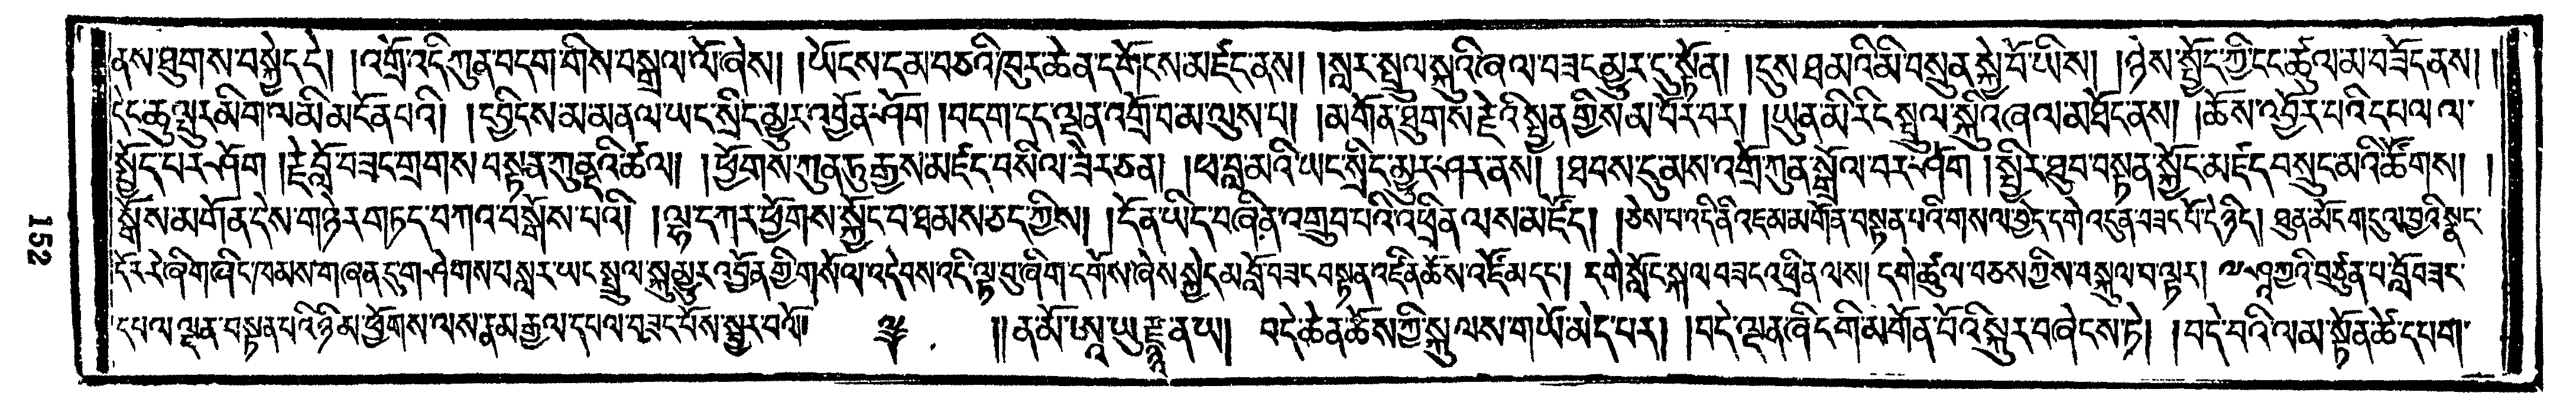ནས་ཐུགས་བསྐྱེད་དེ། །འགྲོ་འདི་ཀུན་བདག་གིས་བསྒྲལ་ལོ་ཞེས། །ཡོངས་དམ་བཅའི་ཁུར་ཆེན་དགོངས་མཛད་ནས། །སླར་སྤྲུལ་སྐུའི་ཞལ་བཟང་མྱུར་དུ་སྟོན། །དུས་ཐ་མའི་མི་བསྲུན་སྐྱེ་བོ་ཡིས། །ཉེས་སྤྱོད་ཀྱི་ངང་ཚུལ་མ་བཟོད་ནས། །
དེང་ཆུ་ལྤུར་མིག་ལ་མི་མངོན་པའི། །དབྱིངས་མ་མནལ་ཡང་སྲིང་མྱུར་འབྱོན་ཤོག །བདག་དང་ལྡན་འགྲོ་བ་མ་ལུས་པ། །མགོན་ཐུགས་རྗེའི་སྤྱན་གྱིས་མ་བོར་བར། །ཡུན་མི་རིང་སྤྲུལ་སྐུའི་ཞལ་མཐོང་ནས། །ཆོས་འབྱོར་པའི་དཔལ་ལ་
སྤྱོད་པར་ཤོག །རྗེ་བློ་བཟང་གྲགས་བསྟན་ཀུནྡའི་ཚལ། །ཕྱོགས་ཀུན་ཏུ་རྒྱས་མཛད་བསིལ་ཟེར་ཅན། །ཕ་བླ་མའི་ཡང་སྲིད་མྱུར་ཤར་ནས། །ཐབས་དུ་མས་འགྲོ་ཀུན་སྒྲོལ་བར་ཤོག །སྤྱིར་ཐུབ་བསྟན་སྐྱོང་མཛད་བསྲུང་མའི་ཚོགས། །
སྒོས་མགོན་དེས་གཉེར་གཏད་བཀའ་བསྒོས་པའི། །ལྷ་དཀར་ཕྱོགས་སྐྱོང་བ་ཐམས་ཅད་ཀྱིས། །དོན་ཡིད་བཞིན་འགྲུབ་པའི་འཕྲིན་ལས་མཛོད། །ཅེས་པ་འདི་ནི་འཇམ་མགོན་བསྟན་པའི་གསལ་བྱེད་དགེ་འདུན་བཟང་པོ་དེ་ཉིད། ཐུན་མོང་གདུལ་བྱའི་སྣང་
དོར་རེ་ཞིག་ཞིང་ཁམས་གཞན་དུ་གཤེགས་པ་སླར་ཡང་སྤྲུལ་སྐུ་མྱུར་འབྱོན་གྱི་གསོལ་འདེབས་འདི་ལྟ་བུ་ཞིག་དགོས་ཞེས་སྐྱེད་མ་བློ་བཟང་བསྟན་འཛིན་ཆོས་འཛོམ་དང་། དགེ་སློང་སྐལ་བཟང་འཕྲིན་ལས། དགེ་ཚུལ་བཅས་ཀྱིས་བསྐུལ་བ་ལྟར། ༧་ཤཱཀྱའི་བཙུན་པ་བློ་བཟང་
དཔལ་ལྡན་བསྟན་པའི་ཉི་མ་ཕྱོགས་ལས་རྣམ་རྒྱལ་དཔལ་བཟང་པོས་སྦྱར་བའོ།། ༈ །།ན་མོ་ཨཱ་ཡུརྫྙཱ་ན་ཡ། བདེ་ཆེན་ཆོས་ཀྱི་སྐུ་ལས་གཡོ་མེད་པར། །བདེ་ལྡན་ཞིང་གི་མགོན་པོའི་སྐུར་བཞེངས་ཏེ། །བདེ་བའི་ལམ་སྟོན་ཚེ་དཔག་